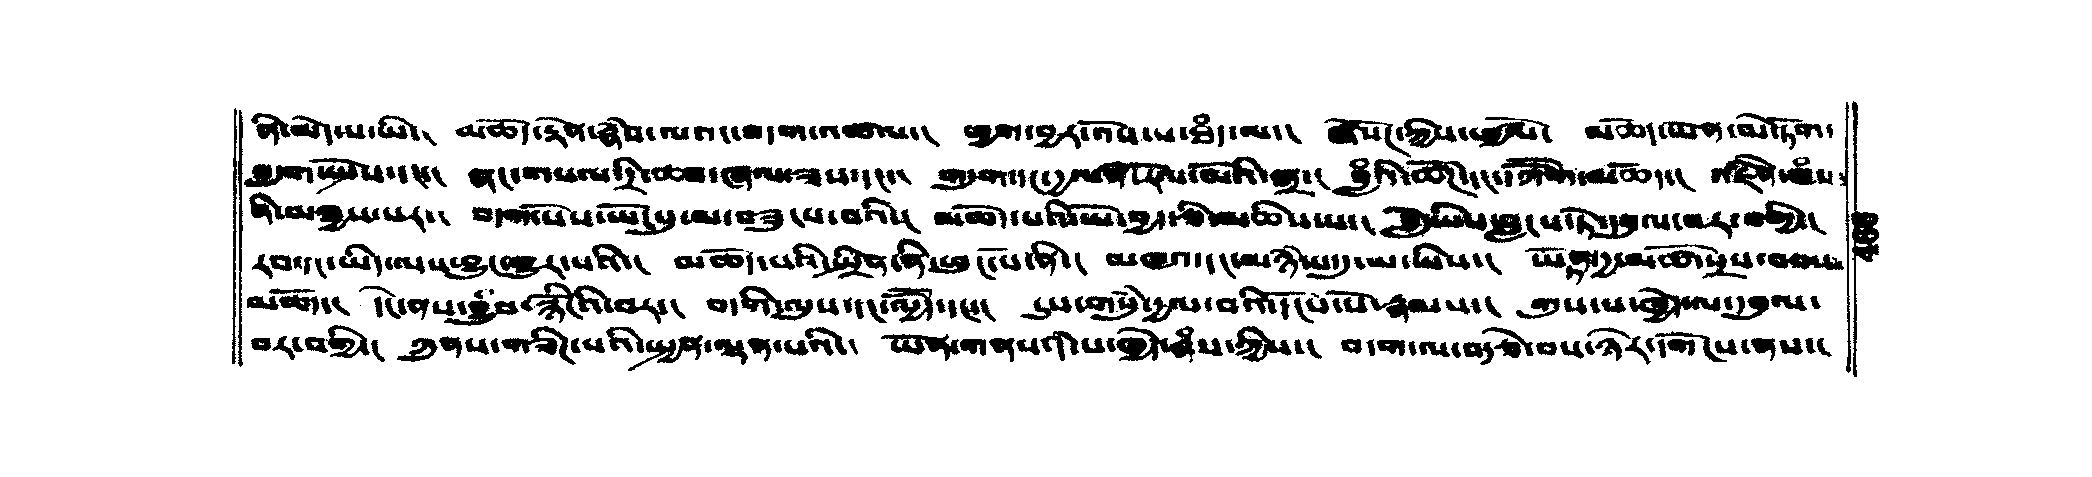ནི་མེད་པ་ཡི། །མཆོད་རྟེན་རྣམས་ལའང་བདག་ཕྱག་འཚལ། །ཕྱག་བྱར་འོས་པ་ཐམསཅད་ལ། །ཞེས་སོགས་ཀྱིས་ཕྱག་འཚལ་ལོ།མཆོད་ཡོན་མེ་ཏོག་
བདུག་སྤོས་དང་། །སྣང་གསལ་དྲི་ཆབ་ཞལ་ཟས་དང་། །གདུག་དང་རྒྱལ་མཚན་རོལ་མོའི་སྒྲ་།བླ་མའི་ཚོགས་དང་དཀོན་མཆོག་མཆོད། །འཇིག་རྟེན་ཁམས་
ནི་མཐའ་ཡས་པར། ། བདག་པོས་ཡོངས་སུ་མ་བཟུང་བའི། །མཆོད་པའི་ཡོ་བྱད་ཅི་མཆིས་པ། །བློ་ཡིས་བླངས་ཏེ་དབུལ་བར་བགྱི། །
རབ་དང་ཡིད་ལ་བྱུང་གྱུར་པའི། །མཆོད་པའི་སྤྲིན་གྱི་ཕུང་པོ་ནི། །མཁའ་དང་མཉམ་པ་དུ་མ་ཡིས། །ཡོན་ཏན་རྒྱ་མཚོ་སྲས་བཅས་
མཆོད། །དེང་ནས་བྱང་ཆུབ་སྙིང་པོའི་བར། །བདག་གི་ལུས་དང་ལོངས་སྤྱོད་དང་། ། དུས་གསུམ་རྒྱལ་བའི་དངོས་པོ་རྣམས། །གུས་པ་ཁྱེད་ལ་དབུལ་
བར་བགྱི། །ཀུན་ནས་གཟིགས་པའི་སྤྱན་ལྡན་པའི། །ཡོན་གནས་དམ་པ་ཁྱོད་རྣམས་ཀྱིས། བདག་ལ་བརྩེ་བས་ཉེར་དགོངས་ནས། །